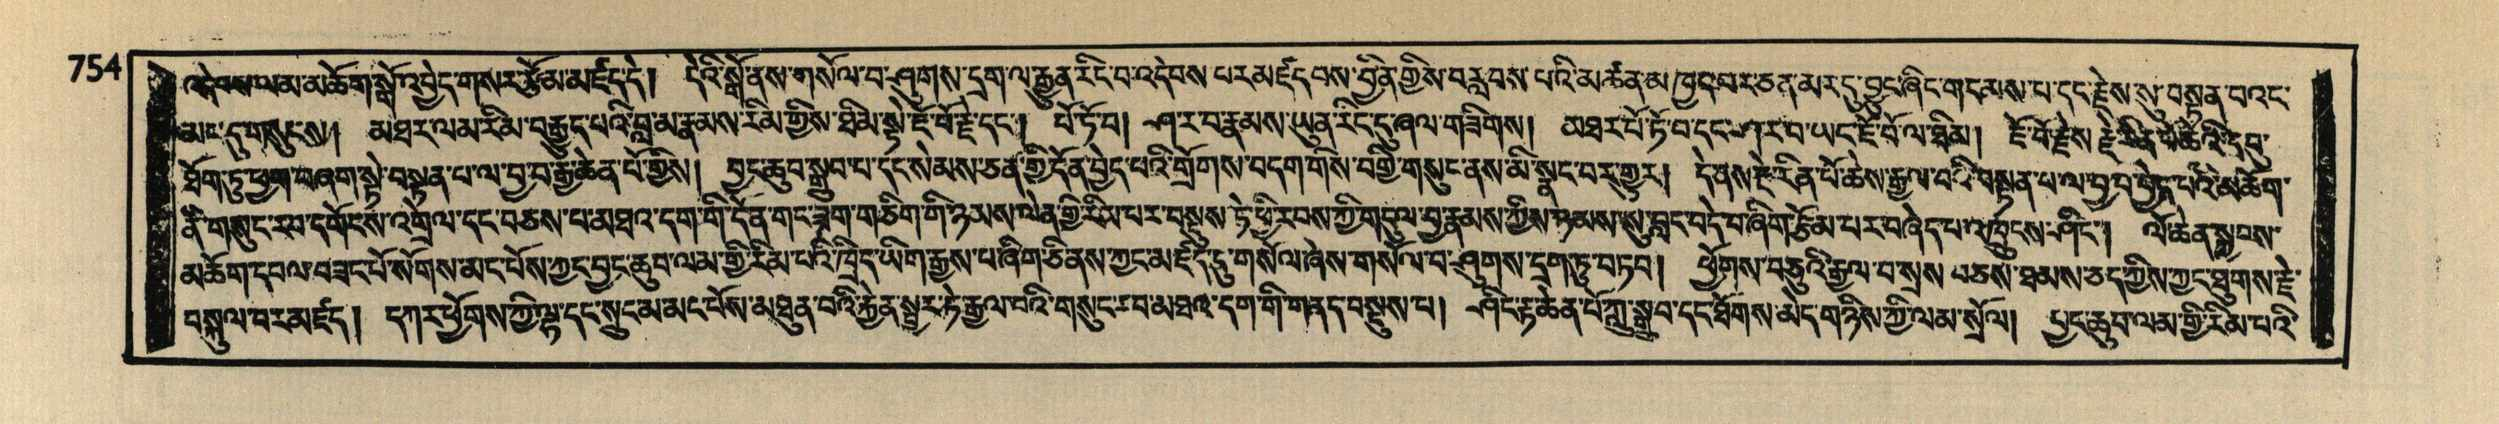འདེབས་ལམ་མཆོག་སྒོ་འབྱེད་གསར་རྩོམ་མཛད་དེ། དེའི་སྒོ་ནས་གསོལ་བ་ཤུགས་དྲག་ལ་རྒྱུན་རིང་བ་འདེབས་པར་མཛད་བས་བྱིན་གྱིས་བརླབས་པའི་མཚན་མ་ཁྱད་བར་ཅན་མར་དུ་བྱུང་ཞིང་གདམས་པ་དང་རྗེས་སུ་བསྟན་པའང་
མང་དུ་གསུངས། མཐར་ལམ་རིམ་བརྒྱུད་པའི་བླ་མ་རྣམས་རིམ་གྱིས་ཐིམ་སྟེ་ཇོ་བོ་རྗེ་དང་། པོ་ཏོ་བ། ཤ་ར་བ་རྣམས་ཡུན་རིང་དུ་ཞལ་གཟིགས། མཐར་པོ་ཏོ་བ་དང་ཤ་ར་བ་ཡང་ཇོ་བོ་ལ་ཐིམ། ཇོ་བོ་རྗེས་རྗེ་རིན་པོ་ཆེའི་དབུ་
ཐོག་ཏུ་ཕྱག་བཞག་སྟེ་བསྟན་པ་ལ་བྱ་བ་རྒྱ་ཆེན་པོ་གྱིས། བྱང་ཆུབ་སྒྲུབ་པ་དང་སེམས་ཅན་གྱི་དོན་བྱེད་པའི་གྲོགས་བདག་གིས་བགྱི་གསུང་ནས་མི་སྣང་བར་གྱུར། དེ་ནས་རྗེ་རིན་པོ་ཆེས་རྒྱལ་བའི་བསྟན་པ་ལ་བྱ་བ་བྱེད་པའི་མཆོག་
ནི་གསུང་རབ་དགོངས་འགྲེལ་དང་བཅས་པ་མཐའ་དག་གི་དོན་གང་ཟག་གཅིག་གི་ཉམས་ལེན་གྱི་རིམ་པར་བསྡུས་ཏེ་ཕྱི་རབས་ཀྱི་གདུལ་བྱ་རྣམས་ཀྱིས་ཉམས་སུ་བླང་བདེ་བ་ཞིག་རྩོམ་པར་བཞེད་པ་འཁྲུངས་ཤིང་། ལོ་ཆེན་སྐྱབས་
མཆོག་དཔལ་བཟང་པོ་སོགས་མང་པོས་ཀྱང་བྱང་ཆུབ་ལམ་གྱི་རིམ་པའི་ཁྲིད་ཡིག་རྒྱས་པ་ཞིག་ཅི་ནས་ཀྱང་མཛད་དུ་གསོལ་ཞེས་གསོལ་བ་ཤུགས་དྲག་ཏུ་བཏབ། ཕྱོགས་བཅུའི་རྒྱལ་བ་སྲས་བཅས་ཐམས་ཅད་ཀྱིས་ཀྱང་ཐུགས་རྗེ་
བསྐུལ་བར་མཛད། དཀར་ཕྱོགས་ཀྱི་ལྷ་དང་སྲུང་མ་མང་པོས་མཐུན་བའི་རྐྱེན་སྦྱར་ཏེ་རྒྱལ་བའི་གསུང་རབ་མཐའ་དག་གི་གནད་བསྡུས་པ། ཤིང་རྟ་ཆེན་པོ་ཀླུ་སྒྲུབ་དང་ཐོགས་མེད་གཉིས་ཀྱི་ལམ་སྲོལ། བྱང་ཆུབ་ལམ་གྱི་རིམ་པའི་